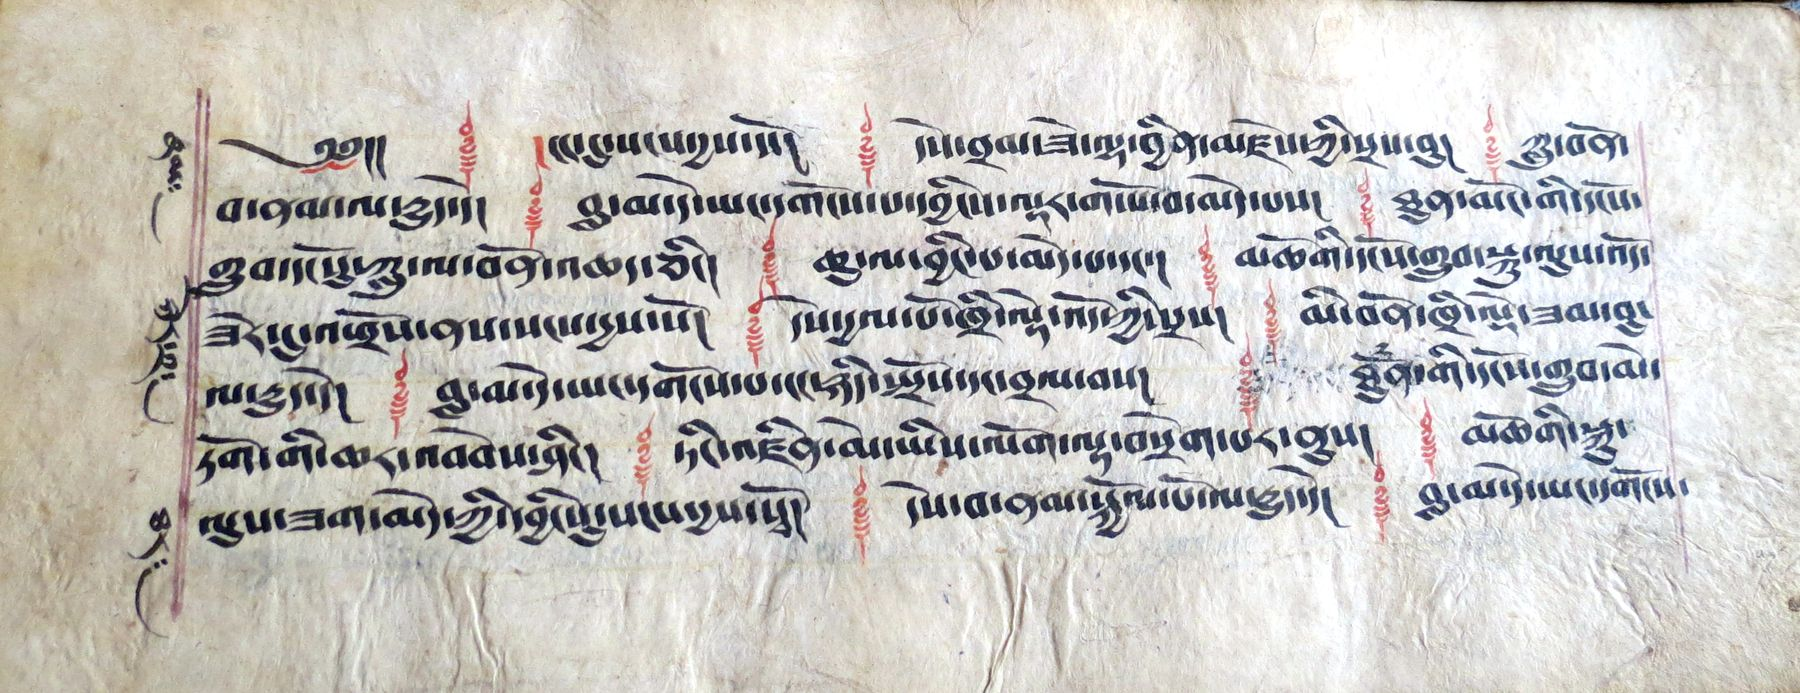ངང་དུ་སངས་རྒྱས་སོ། ། དེས་བྲམ་ཟེ་ལྷ་བྱིན་མཛེས་ཀྱི་སྲས་བུ་ཀླུ་བོན་
བ་ནམ་ལ་བརྒྱུད་དེ། བླ་མ་དེ་ཡང་དགོངས་པ་དབྱིངས་ལྟར་གཡོ་བ་མེད་པས། ཐུན་མོང་གི་དངོས་
གྲུབ་དངོས་སུ་ཀླུ་ལ་བོན་འཆད་ཅིང་། ཆུ་ལ་བྱིང་བ་མེད་པ་དང་། མཆོག་གི་དངོས་གྲུབ་སྐུ་ལུས་འོད་
ཟེར་དུ་འཕྲོས་ནས་སངས་རྒྱས་སོ། ། དེས་རྒྱལ་པོ་ཁྲི་ལྡེ་འོད་ཀྱི་སྲས་མི་བོན་ཁྲི་ལྡེ་ཟམ་བུ་
ལ་བརྒྱུད་དེ། བླ་མ་དེ་ཡང་དགོངས་པ་ངང་ཉིད་སྤྲོས་པ་བྲལ་བས། ཐུན་མོང་གི་དངོས་གྲུབ་མེ་
ཏོག་གི་ཆར་འབེབས་ཤིང་། ཏིང་འཛིན་མེ་ཡིས་ལོག་ལྟ་བསྲེག་པར་ནུས། མཆོག་གི་དངོས་གྲུབ་སྐུ་
ལུས་ཟག་མེད་ཀྱི་དབྱིངས་སུ་སངས་རྒྱས་སོ། ། དེས་བ་ནམ་སྐྱོལ་པོ་ལ་བརྒྱུད་དེ། བླ་མ་དེ་ཡང་དགོངས་